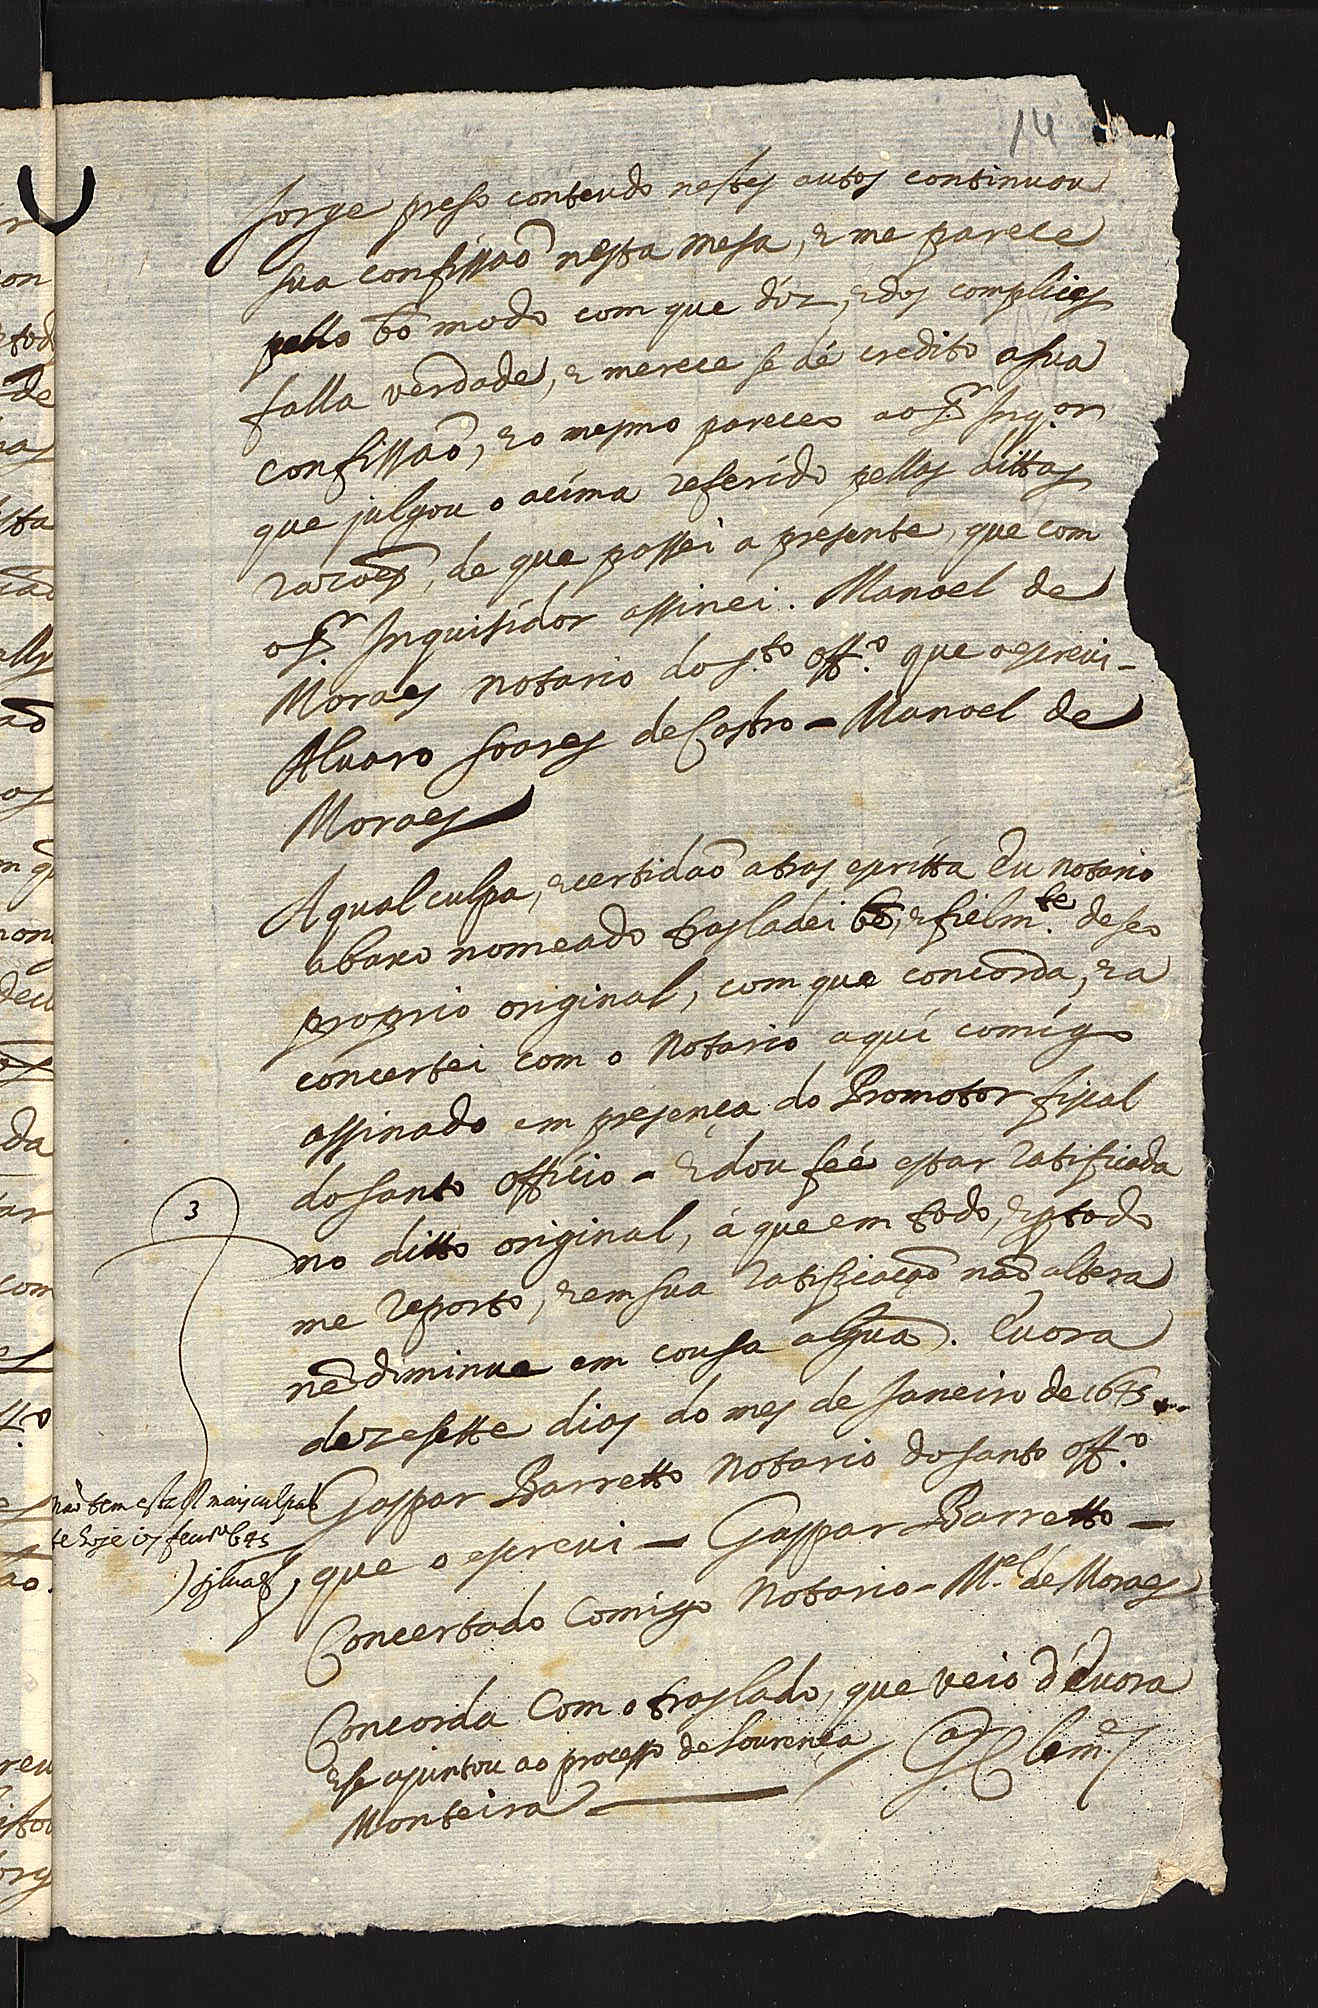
naõ tem esta R mais culpas
_te hoje i7 feuro 645
sjlua
Jorge preso conteudo nestes autos continuou
sua confissaõ nesta mesa, E me parece
pello bō modo com que díz, E dos complices
falla verdade, E merece se dé credito a sua
confissaõ, E o mesmo pareceo ao s.r Jnq.or
que julgou o acima referido pellas dittas
razoēs, de que passei a presente, que com
o s.r Jnquisidor assinei. Manoel de
Moraes notario do s.to off.o que o escreui
Aluaro soares de Castro - Manoel de
Moraes
A qual culpa, E certidão atras escritta eu notario
abaxo nomeado trasladei bē, E fielm.te de seo
proprio originaL, com que concorda, E a
concertei com o Notario aqui comigo
assinado em presença do Promotor fiscal
do santo officio - E dou feé estar Ratificada
no ditto original, á que em todo, E ꝑ todo
me Reporto, E em sua Ratificação naõ altera
nē diminue em cousa algūa. Euora
dezesette dias do mes de Janeiro de 1645.
Gaspar Barretto notario do santo off.o
que o escreui - Gaspar Barreto
Concertado comigo notario - M.el de Moraes
Concorda com o traslado, que veio d'euora
E se ajuntou ao processo de Lourença
Monteira
